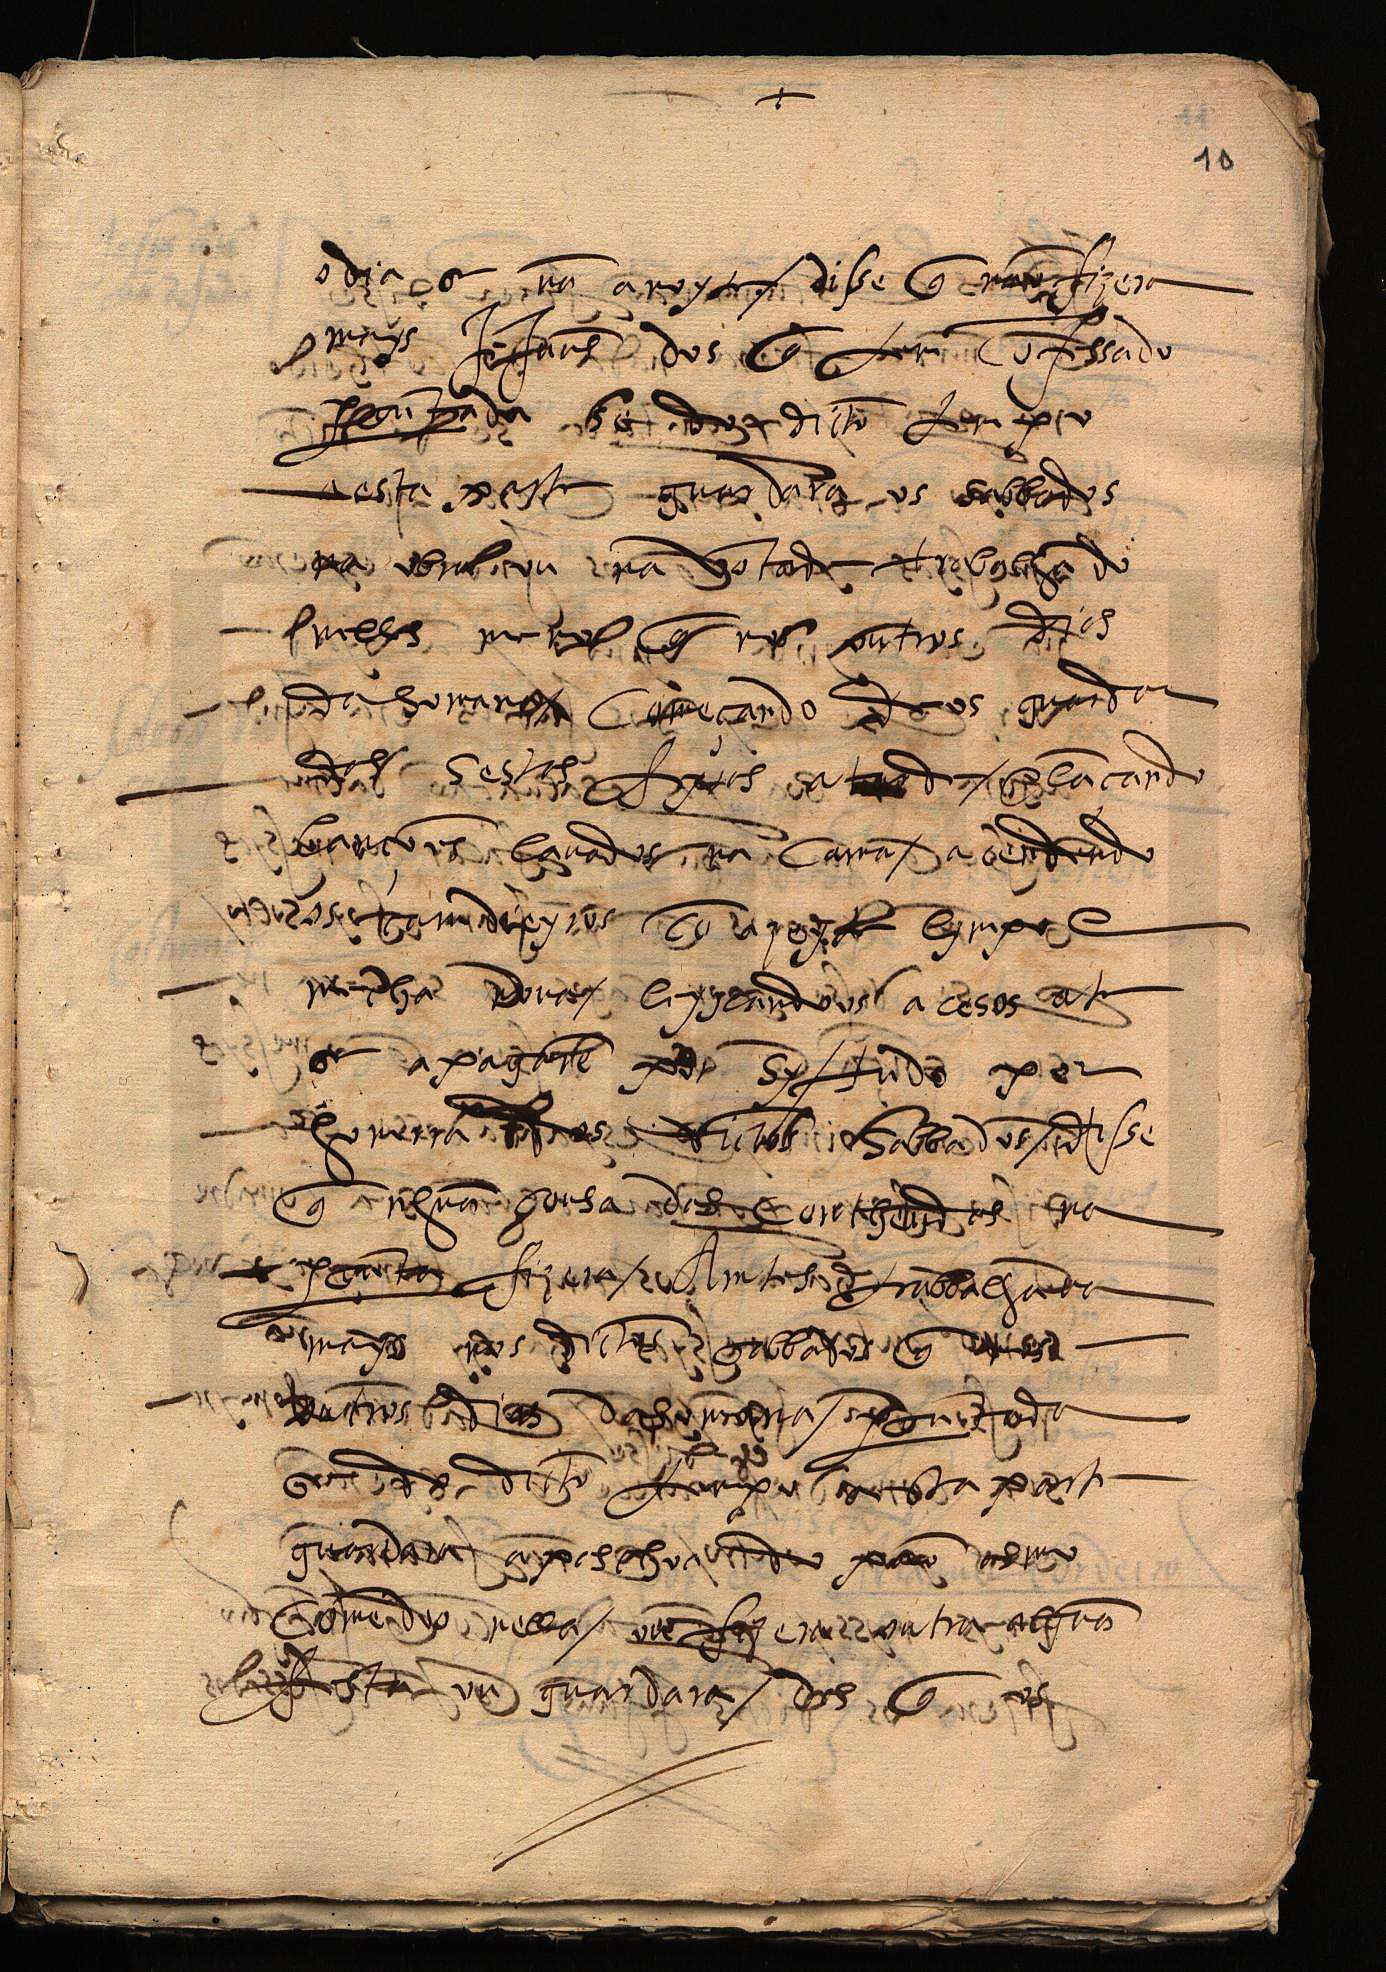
o dia sen̅a a noyte / disse q̅ não fizera
mays JeJuūs dos q̄ tem cōfessado
ꝑḡtada se do dicto tempo
desta parte guadara os sabbados
na obra ou na vōtade trabalhādo
nelles menos q̄ nos outros dias
da somana Começando de os guardar
das sestas feyras a tarde / e lāçando
lançōes lauados na Cama / acendendo
os camdieyros c̄o azeyte lympo e
mecha noua / leyxandoos acesos ate
se apagarē por sy / tudo por
homrra dos dictos sabbados / disse
q̅ nhu̅a cousa das contheudas na
ꝑgūta fizera / Antes trabalhava
mays nos dict̄os sabbados q̄ nos
dictos dias da somana / ꝑgūtada
se do dicto tempo a esta parte
guardava a paschoa do pão asmo
comēdoo nella / ou fezera outra algūa
festa ou guardara / dos q̄ os
